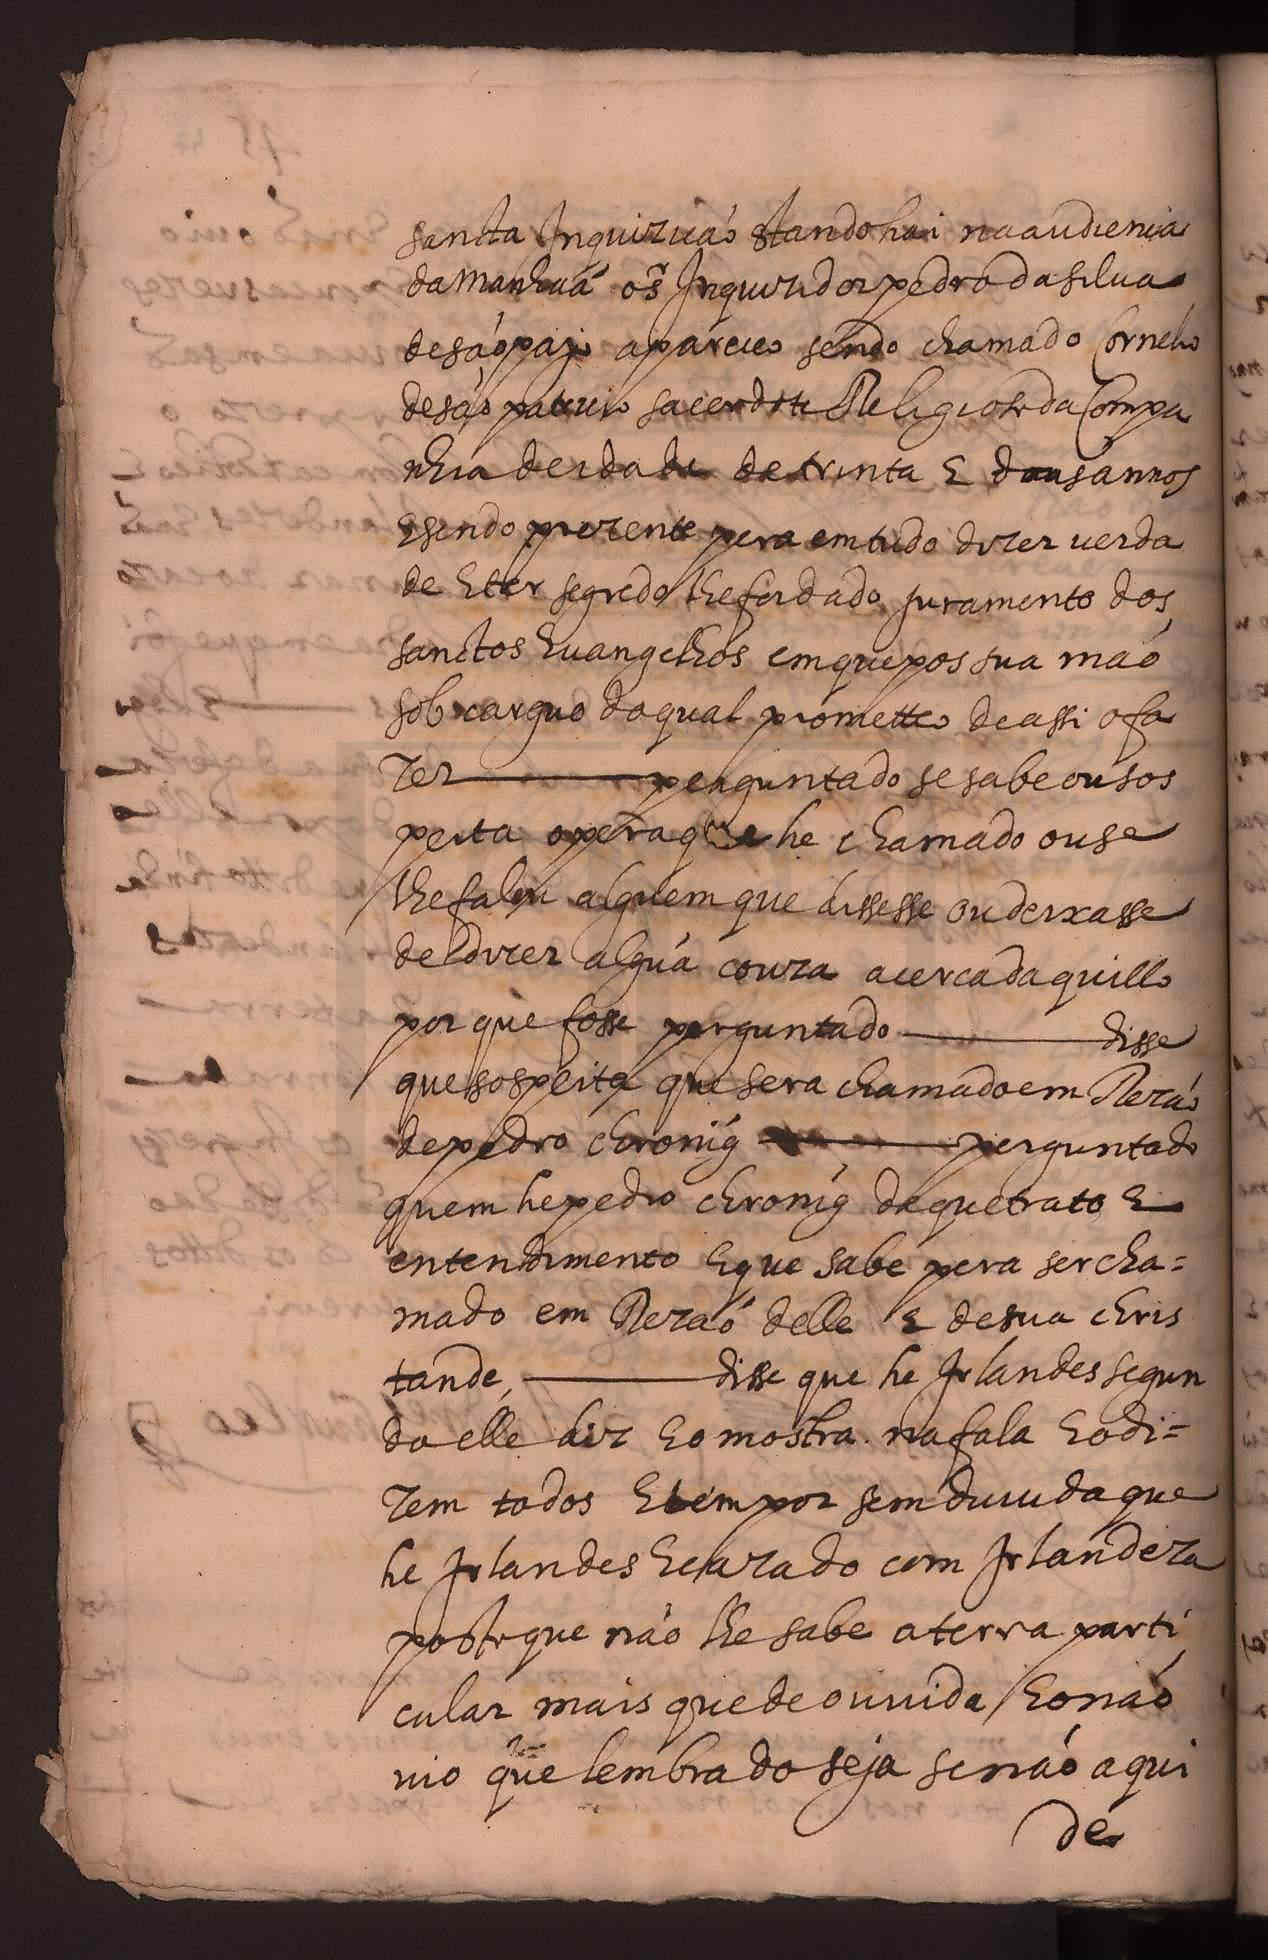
Sancta Jnquizicaõ estando hai na audiencia
da manhaā o sr Jnquizidor pedro da silua
de saõpayo apareceo sendo chamado Cornelio
de saõ patricio sacerdote Religioso da Compa
nhia de idade de trinta E dous annos
E sendo prezente pera em tudo dizer uerda
de E ter segredo lhe foi dado juramento dos
sanctos Euangelhos em que pos sua maõ
sob carguo do qual prometteo de assi o fa
zer _______ perguntado se sabe ou sos
peita o pera que he chamado ou se
lhe falou alguem que dissesse ou deixasse
de dizer alguā couza acerca daquillo
por que fosse perguntado
disse
que sospeita que sera chamado em Rezaõ
de pedro chroniḡ ________ perguntado
quem he pedro chroniḡ de que trato E
entendimento E que sabe pera ser cha
mado em Rezaõ delle E de sua chris
tande
disse que he Jrlandes segun
do elle diz E o mostra na fala E o di
zem todos E tem por sem duuida que
he Jrlandes E cazado com Jrlandeza
posto que naõ lhe sabe a terra parti
cular mais que de ouuida E o naõ
uio que lembrado seja senão aqui
de
